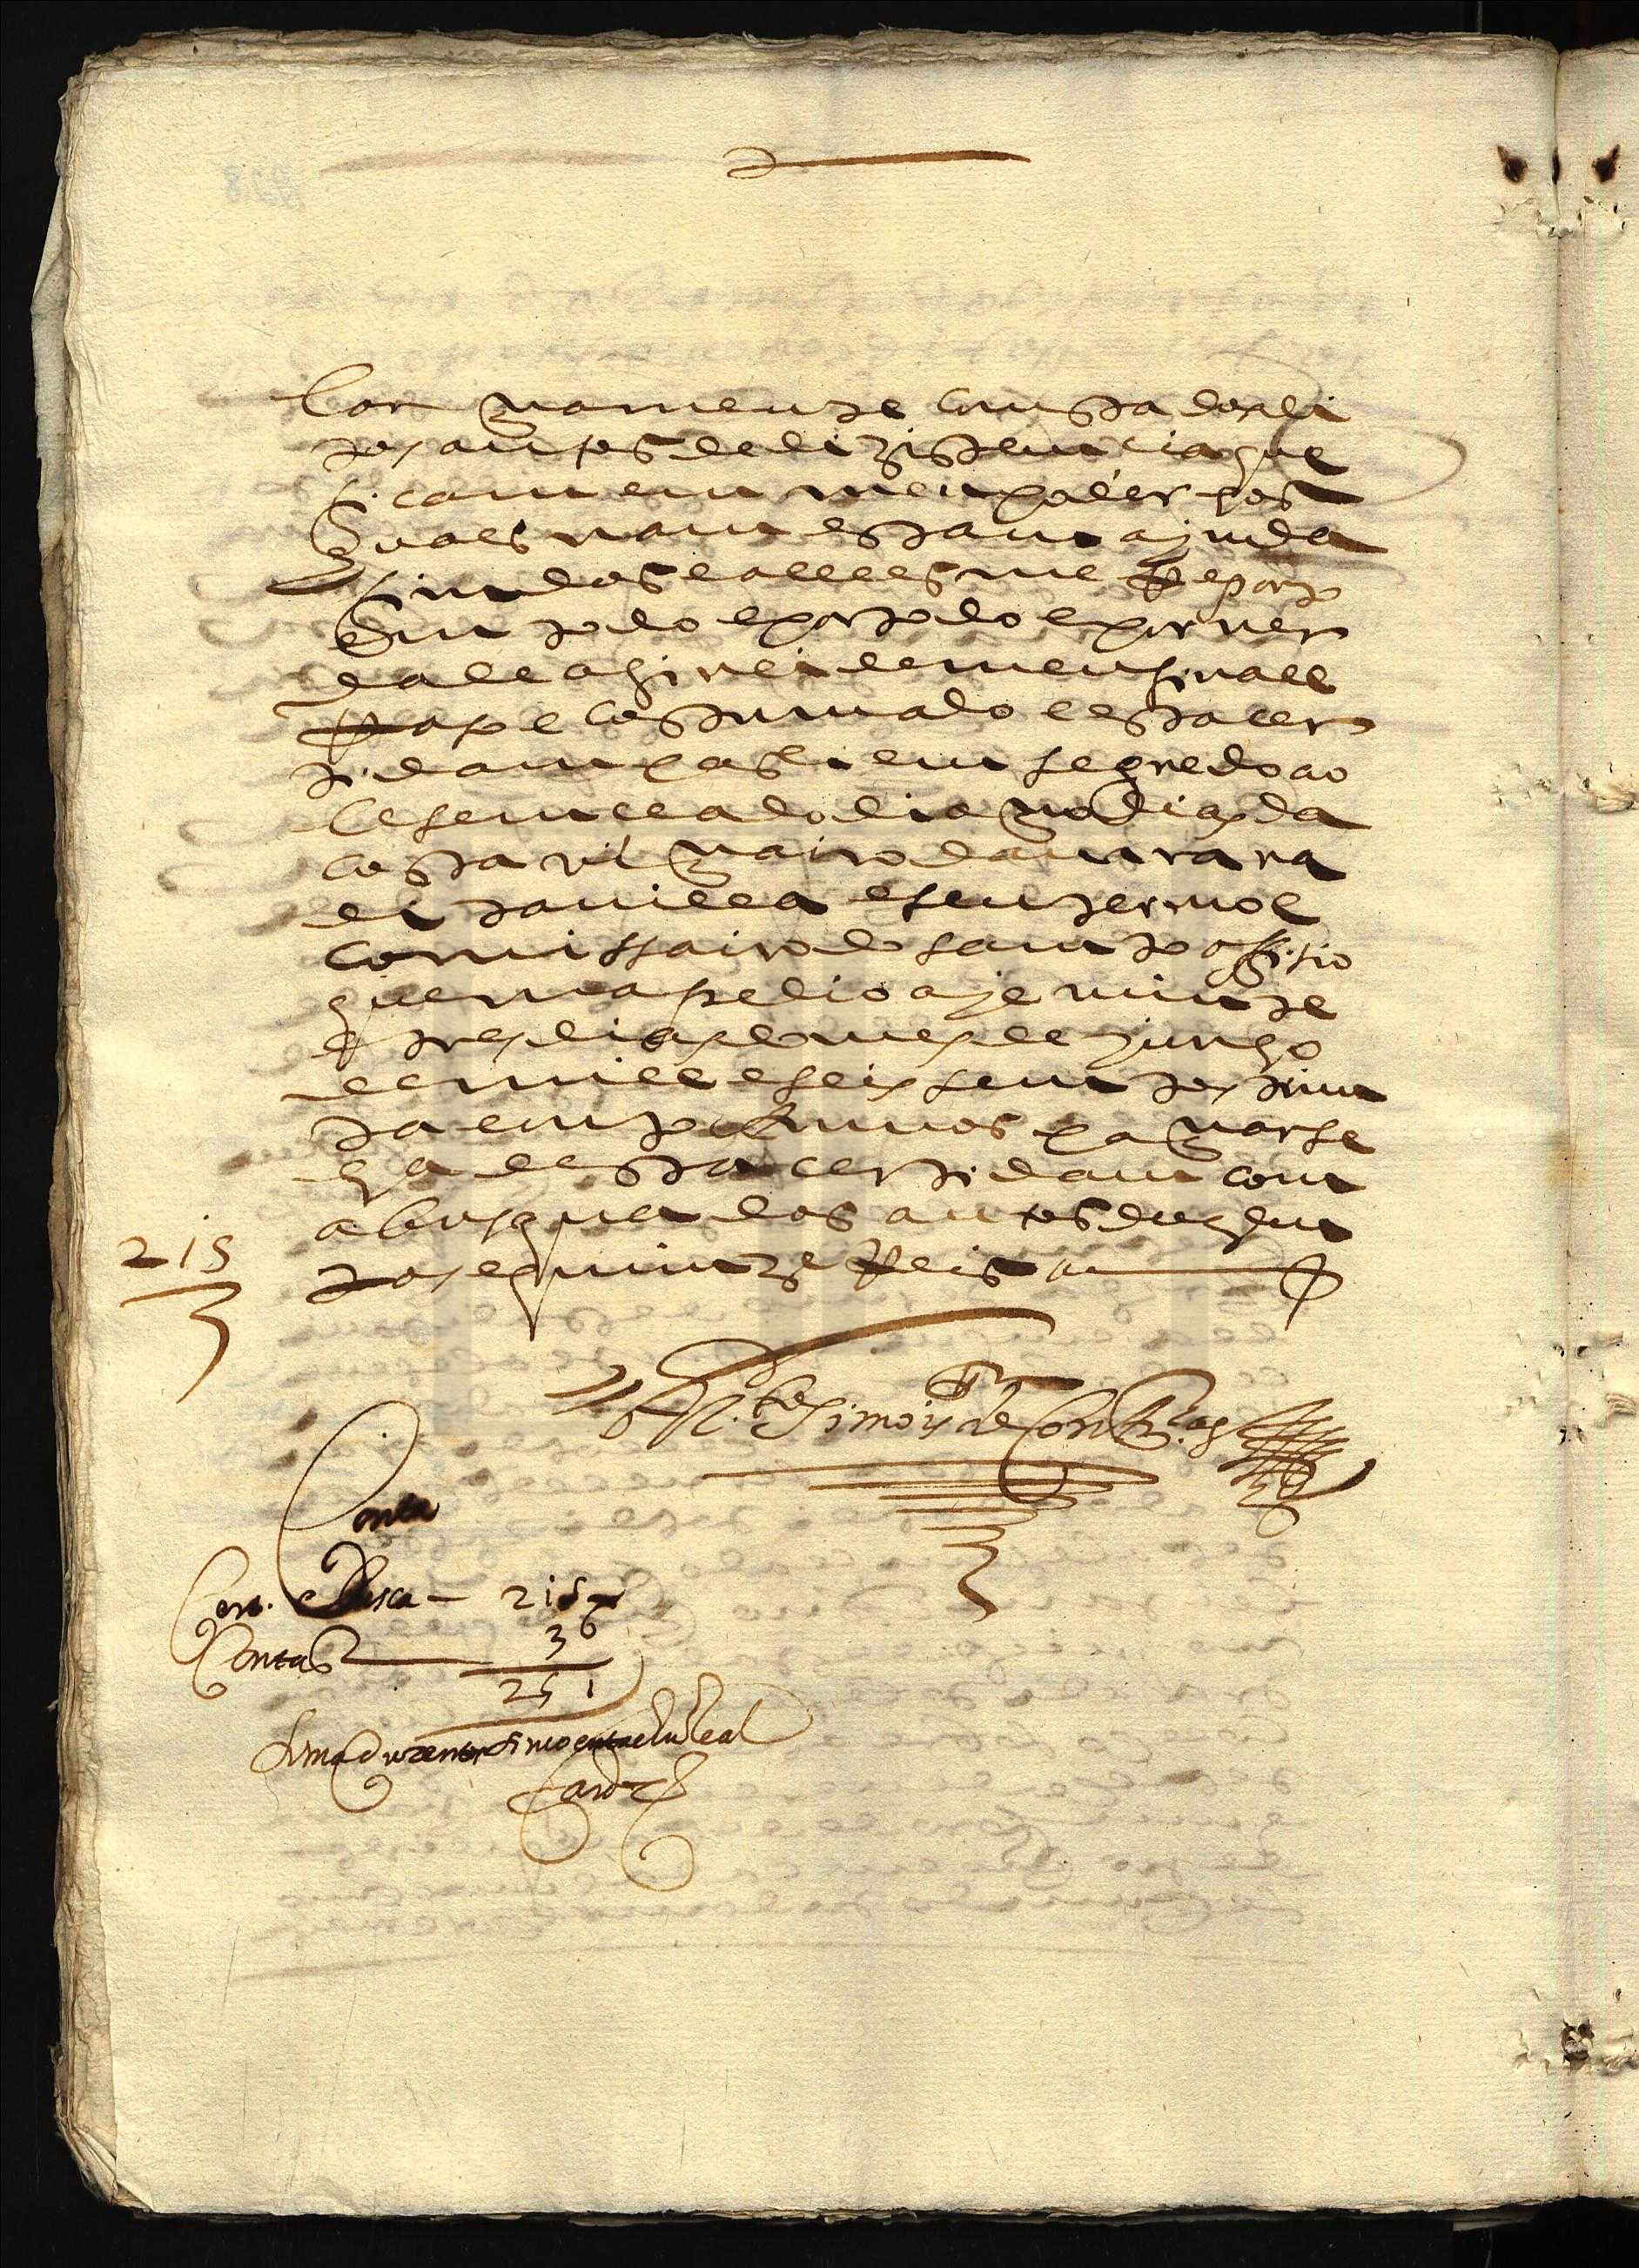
larguamente comsta dos di
tos autos de dizistemcia que
ficam em meu poder hos
quaes nam estam ajmda
fimdos e a elles me Reporto
em todo e por todo e por uer
dade asinei de meu sinall
Raso e costumado e esta cer
tidam pasei em segredo ao
lesemceado dioguo dias da
costa viguairo da uara na
dita uilla e seu termo e
comissairo do samto offisio
que ma pedio oje uimte
E tres dias do mes de junho
de mill e seissemtos trim
ta e oito Annos paguarse
ha desta certidam com
a busqua dos autos duzem
tos e quimze Reis
Conta
Cert. e busca - 215
Conta
36
251
Soma duzentos sincoenta e hū Real
2i5
